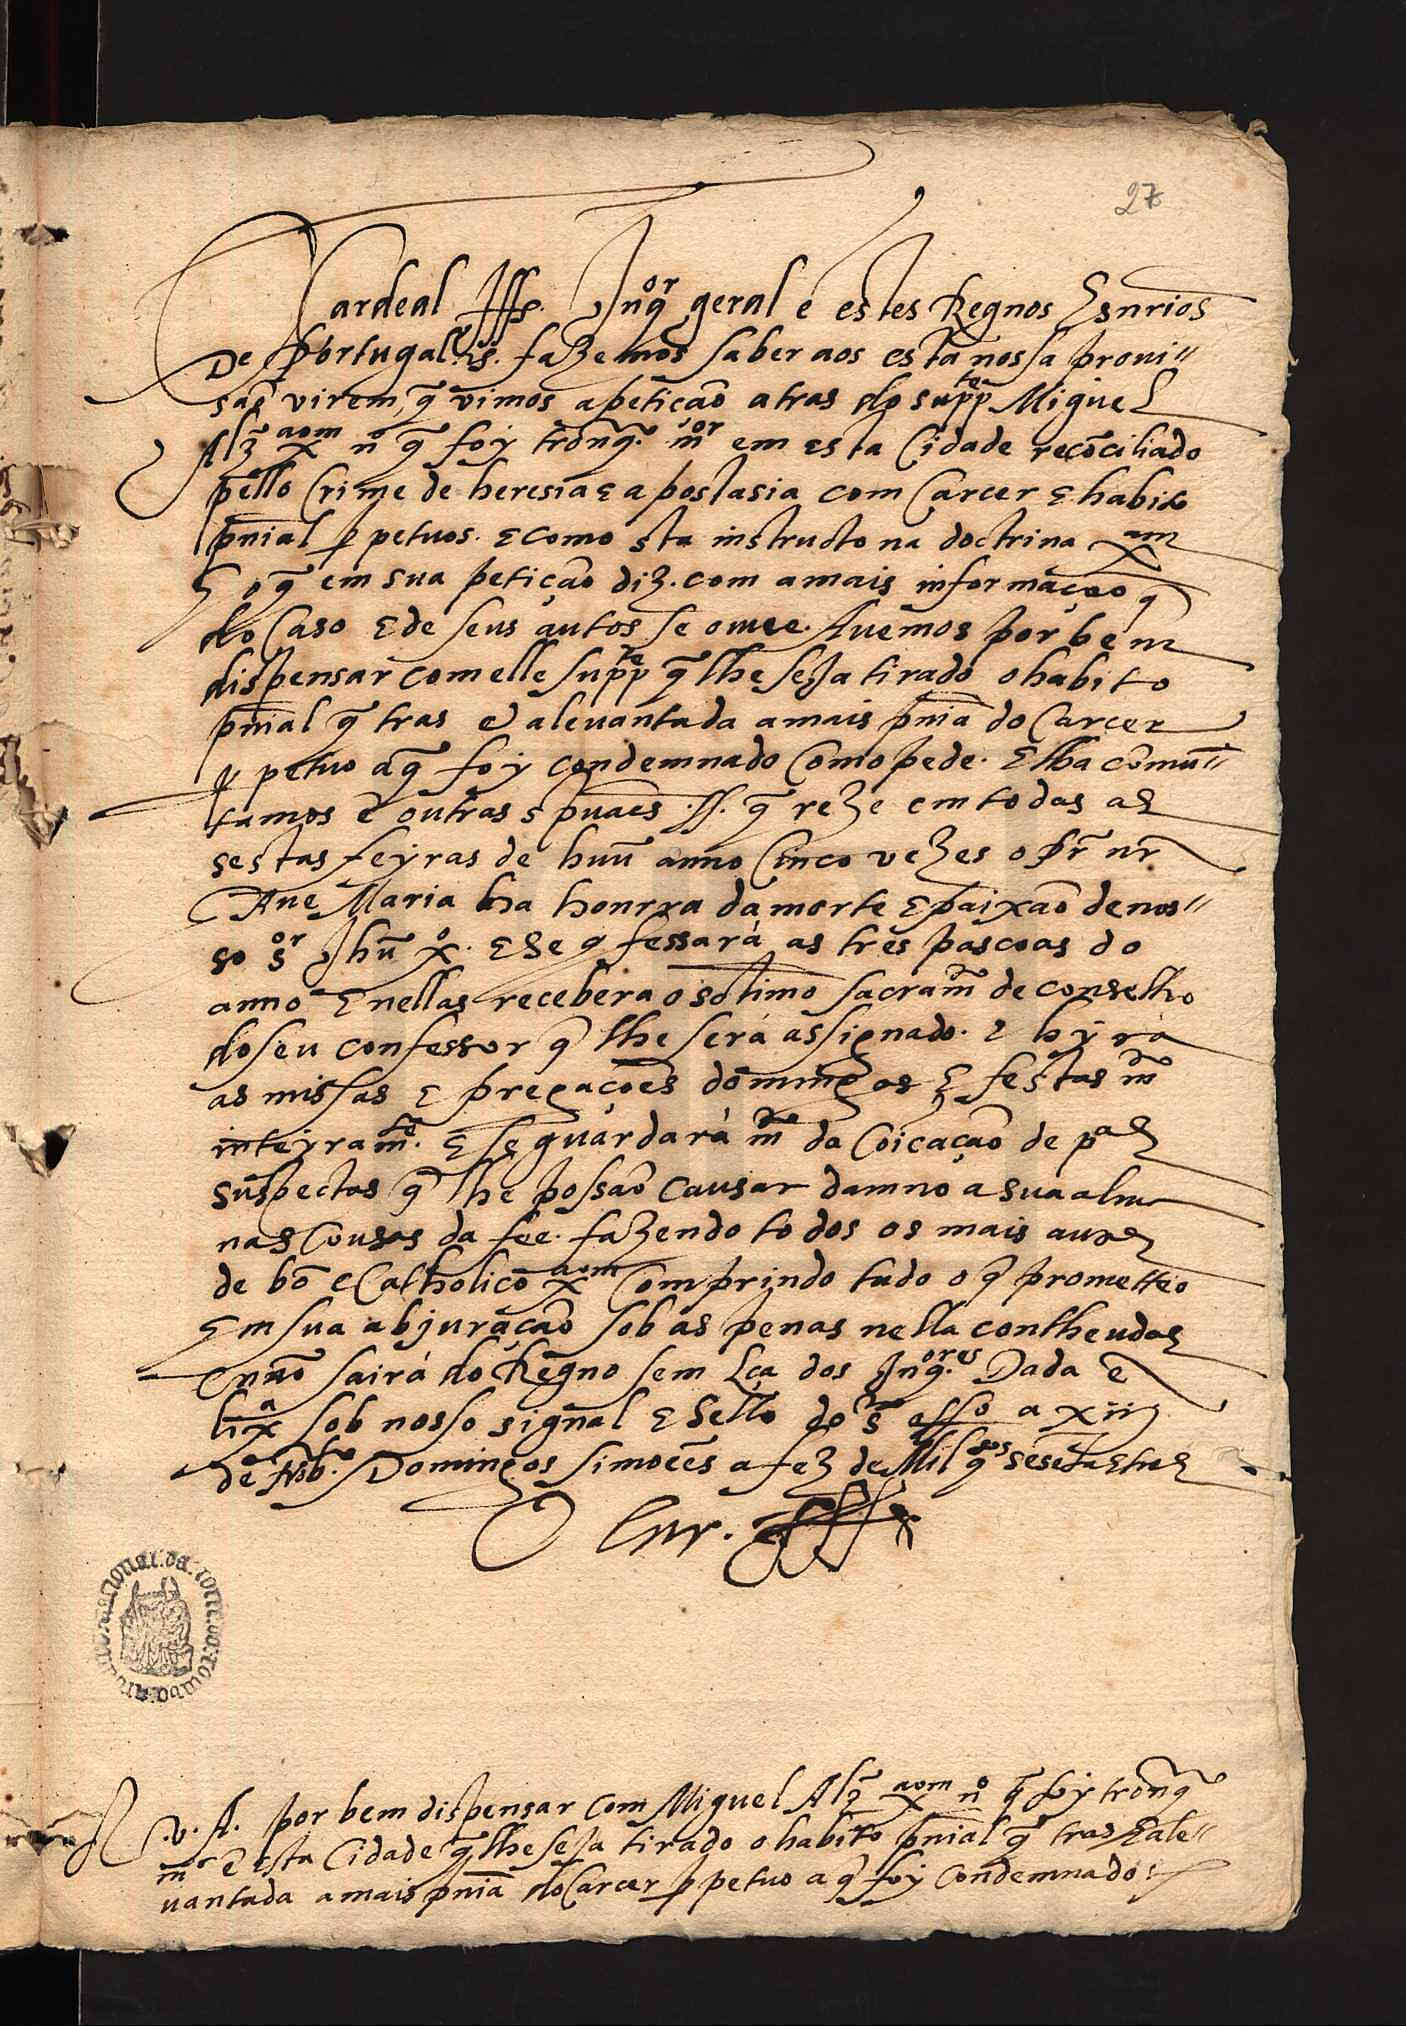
Cardeal Jffꝭ Jnqor geral ē estes Regnos E sn̄rios
De Portugal cꝭ. fazemos saber aos esta nossa proui
são virem, q̄ vimos a petição atras do suppte Miguel
Alz̄ xaom no q̄ foy tronq.ro mor em Esta Cidade recōciliado
pello Crime de heresia E apostasia com Carcer E habito
p̄nial ꝑpetuos E como sta instructo na doctrina Xam
E o q̄ em sua petição diz com a mais informação q̄
do Caso E de seus autos se ouue. Auemos por bem
dispensar com elle suppte q̄ lhe seJa tirado o habito
p̄nial q̄ tras e aleuantada a mais pn̄ia do Carcer
ꝑpetuo a q̄ foy condemnado Como pede. E lha cōmū
tamos ē outras sp̄uaes .ss. q̄ reze em todas as
sestas feyras de huū anno Cinco vezes o pr̄ nr̄.
E Aue Maria ha honrra da morte E paixão de nos
so sor Jhū xo. E se ꝯfessará as tres pascoas do
anno E nellas recebera o s̄ctimo sacramto de conselho
do seu confessor q̄ lhe será assignado. E hyra
as missas E pregações domingos E festas mto
inteyramte. E se guardará mto da Coicação de pas
suspectas q̄ lhe possão causar damno a sua alma
nas cousas da fee. fazendo todos os mais autos
de bō e Catholico xaom Comprindo tudo o q̄ prometteo
Em sua abjuração sob as penas nella contheudas
e não sairá do Regno sem Lça dos Jnq.ores Dada ē
lixa sob nosso signal E sello do sto offo a xiij
de N̄ob.ro Domingos Simoeẽs a fez de Mil qtos sēseta E tres
O Car. Jffꝭ
A V. A. por bem dispensar com Miguel Alz̄ Xaom no q̄ foy tronqro
mor ē esta Cidade q̄ lhe seJa tirado o habito p̄nial q̄ tras E ale
uantada a mais pn̄ia do Carcer ꝑpetuo a q̄ foy condemnado
